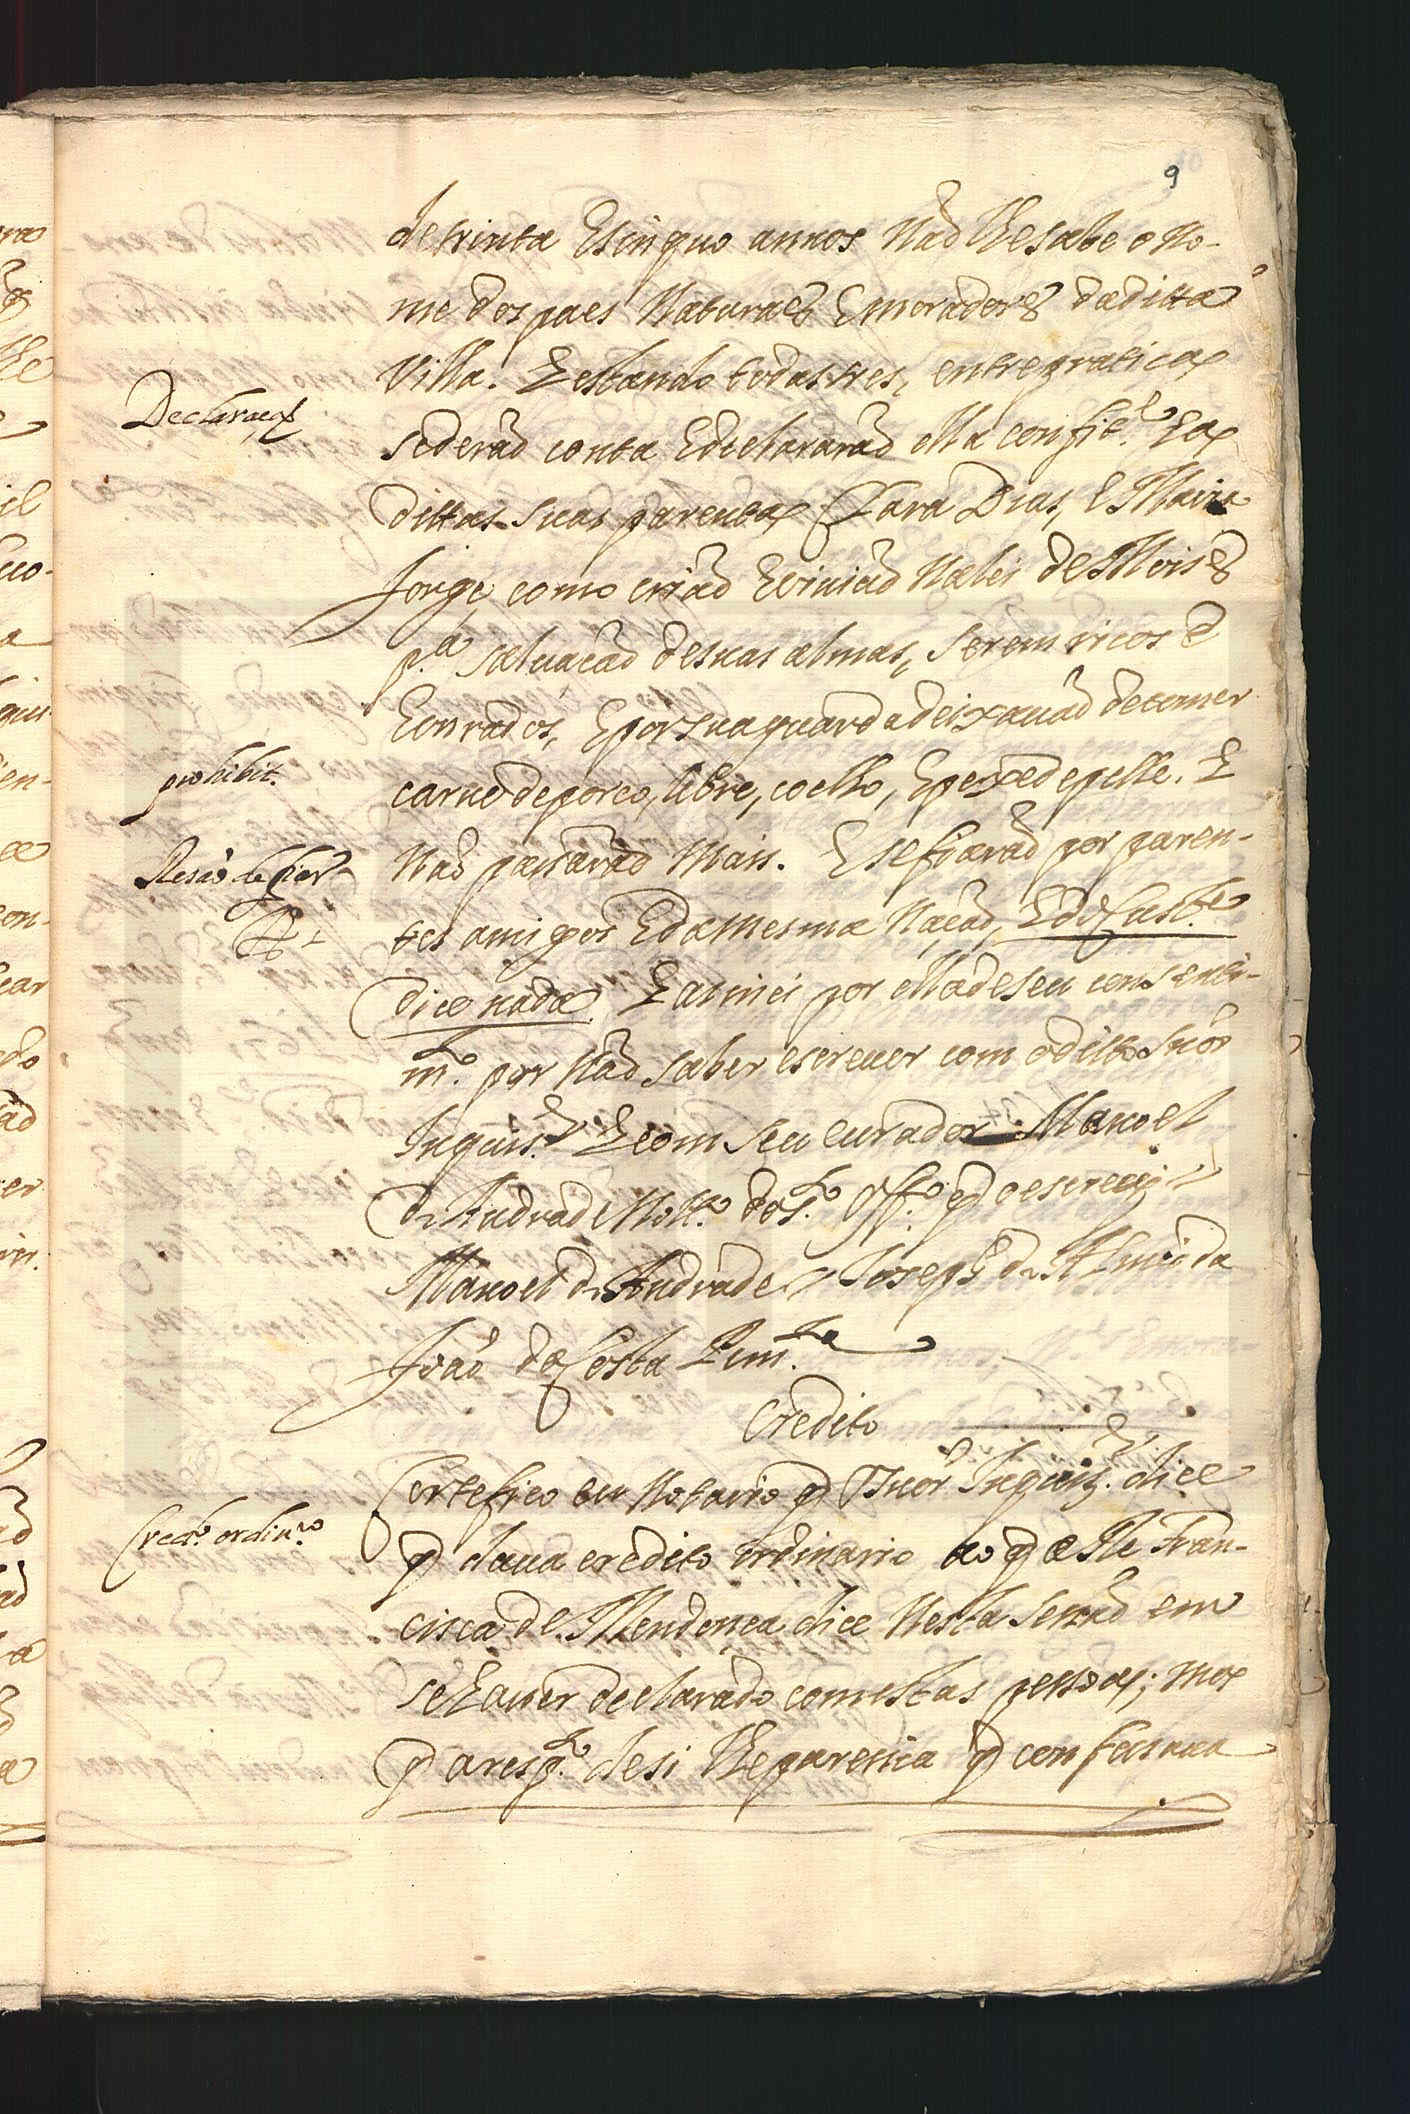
de trinta E sinquo annos naõ lhe sabe o no
me dos paes naturaes E moradores da ditta
Villa. E estando todas tres, entre praticas
Declaraçaõ
se derão conta E declararaõ ella confit.e E as
dittas suas parentas Clara Dias, E Maria
Jorge, como criaõ E uiuiaõ na lei de Moises
p.a saluação de suas almas, serem ricos E
honrados, E por sua guarda deixauaõ de comer
carne de porco, lebre, coelho, E peixe de pelle. E
prohibit.
Naõ passarão mais. E se fiaraõ por paren
Resaõ de fiar
Tt 1
tes amigos E da mesma Naçaõ, e do Cust.e
dice nada. E asinei por ella de seu consenti
m.to por não saber escreuer com o ditto sn̄or
Inquis.or E com seu curador: Manoel
de Andrade not.ro do s.to off.o q̄ o escreuj//
Manoel de Andrade// Iozeph de Almeida
João da Costa Pim.ta
Credito
Certefico eu Notario q̄ O Snõr Inquiz.or dice
Cred.o ordin.ro
q̄ daua credito ordinario ao q̄ a Re Fran
cisca de Mendonça dice nesta sessão em
se hauer declarado com estas pessoas; mas
q̄ a resp.to de si lhe paressia q̄ confessaua
